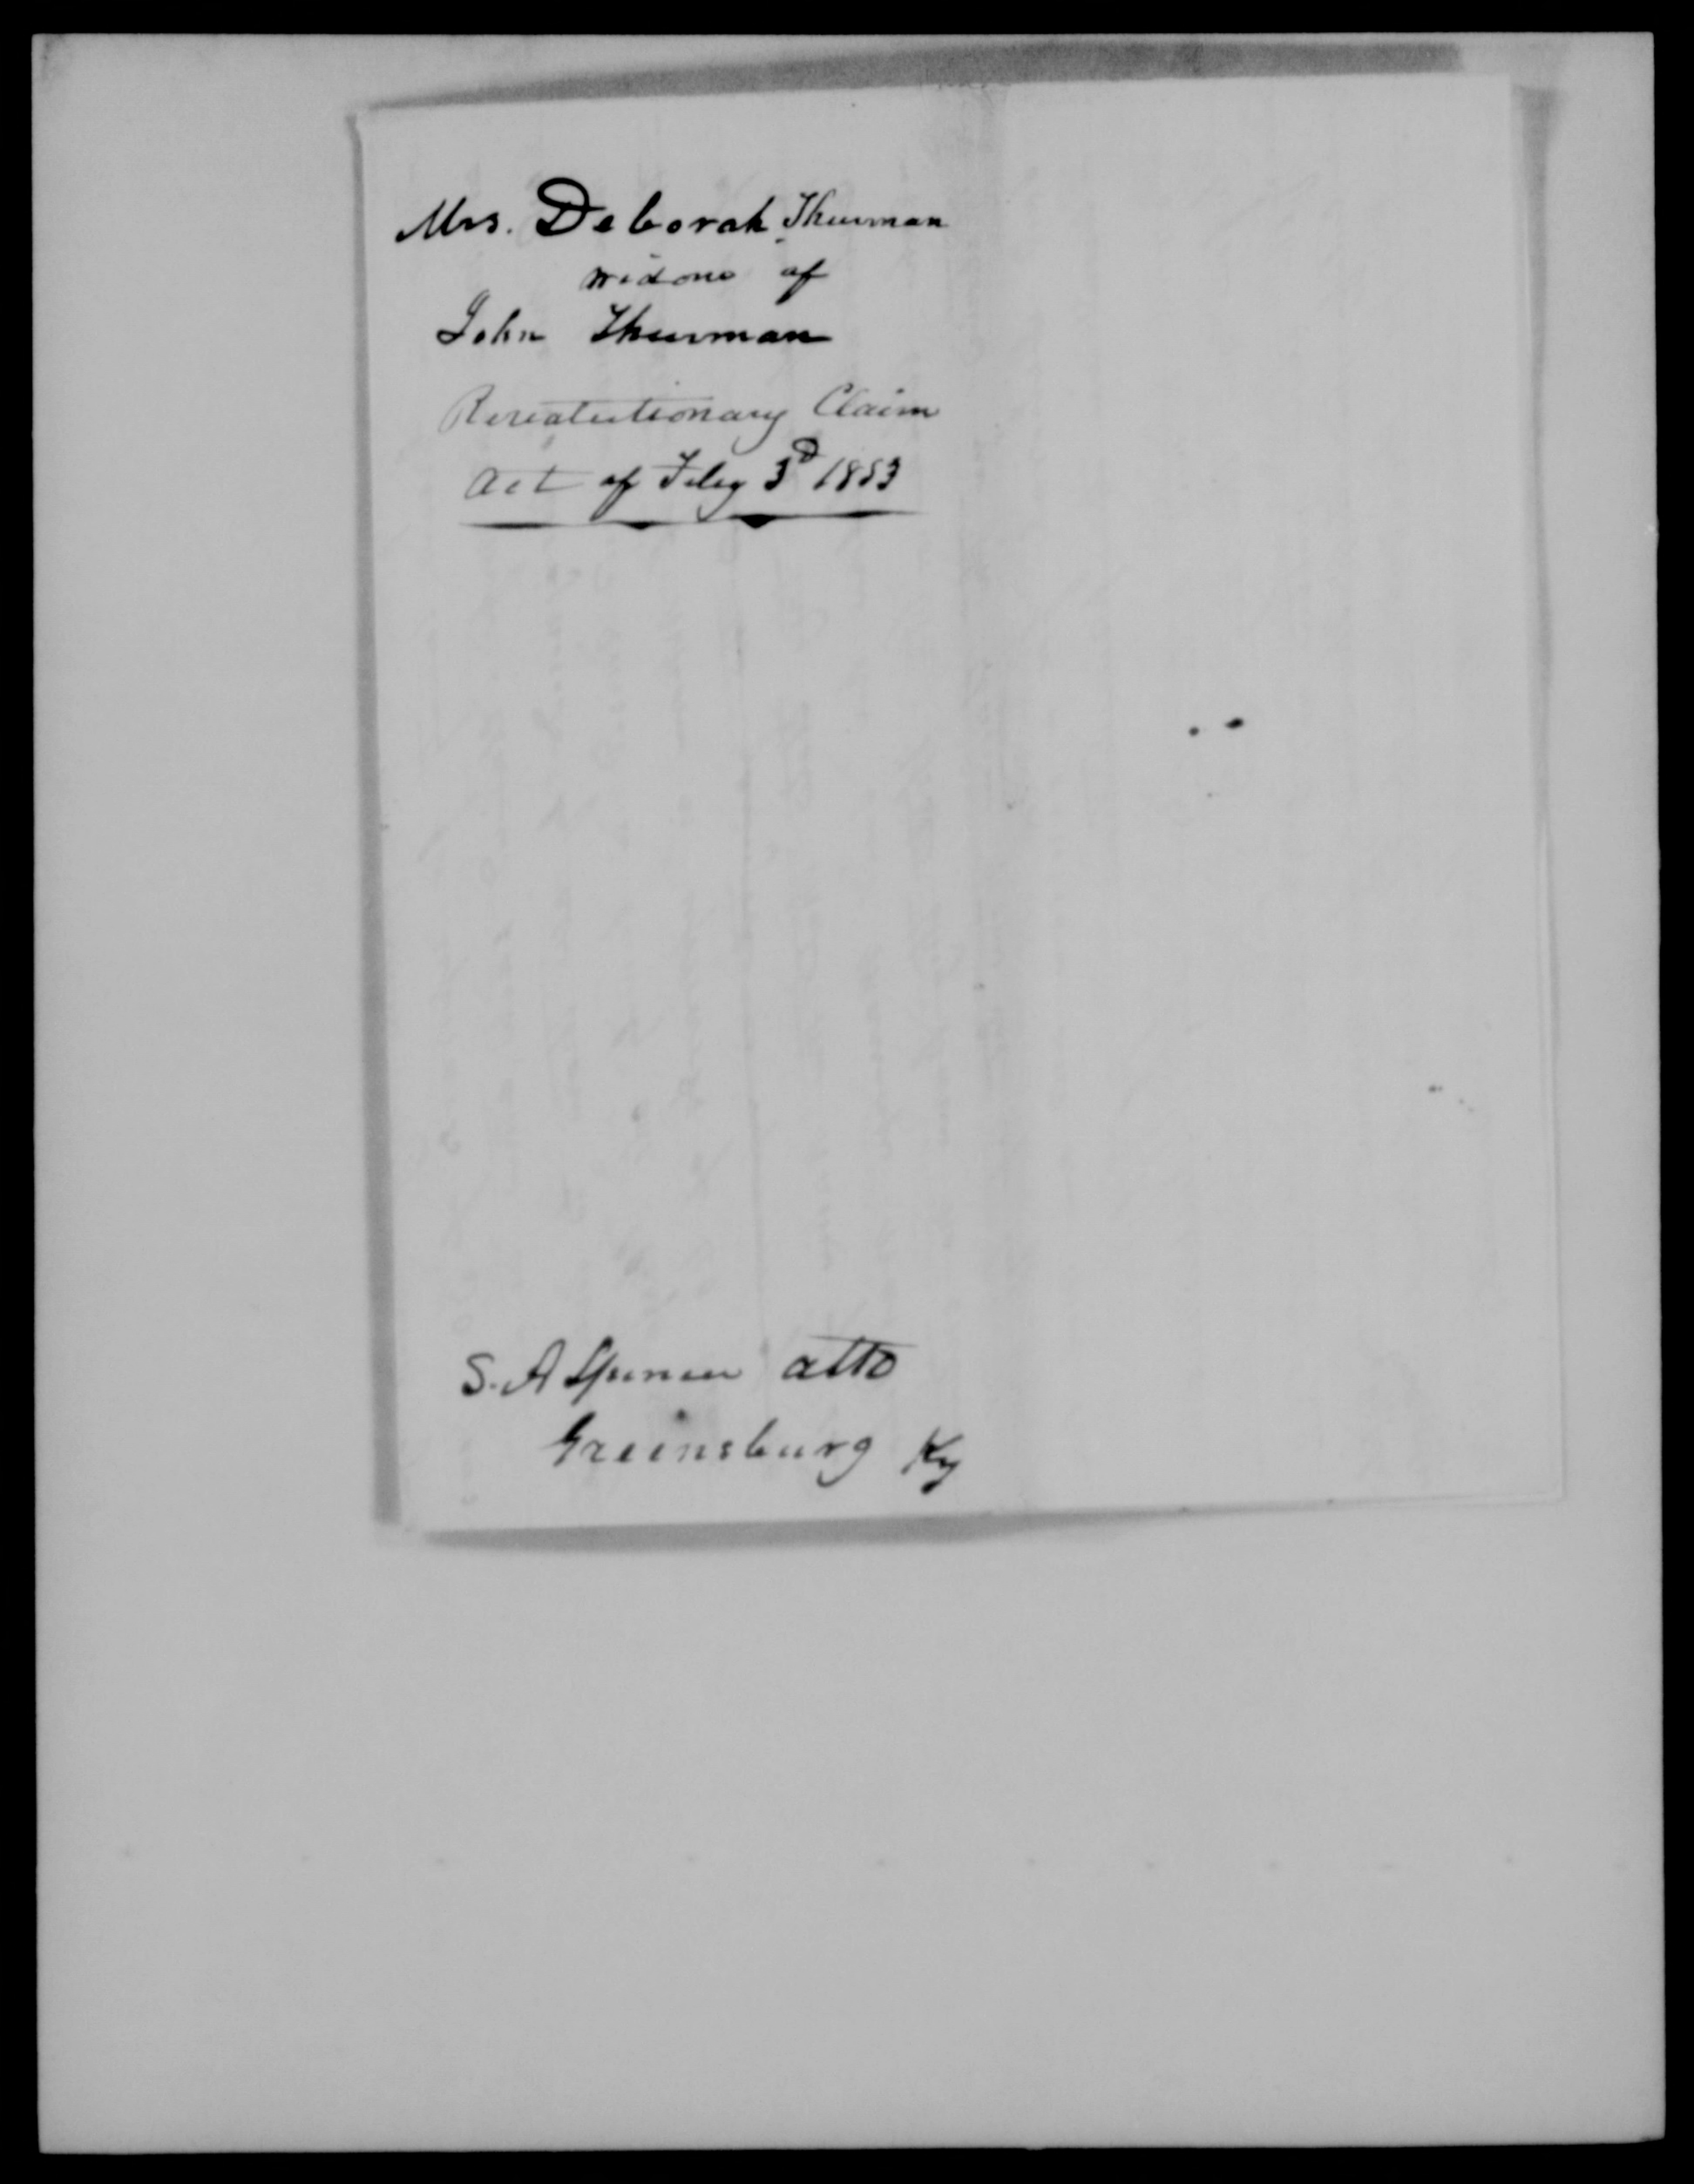Mrs. Deborah Thurman
Widow of
John Thurman
Revolutionary Claim
act of Feby 3 1853
S. A [illegible] atto
Greensburg Ky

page: 13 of 53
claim: widow's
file: W. 6,267, for John Thurman, Georgia